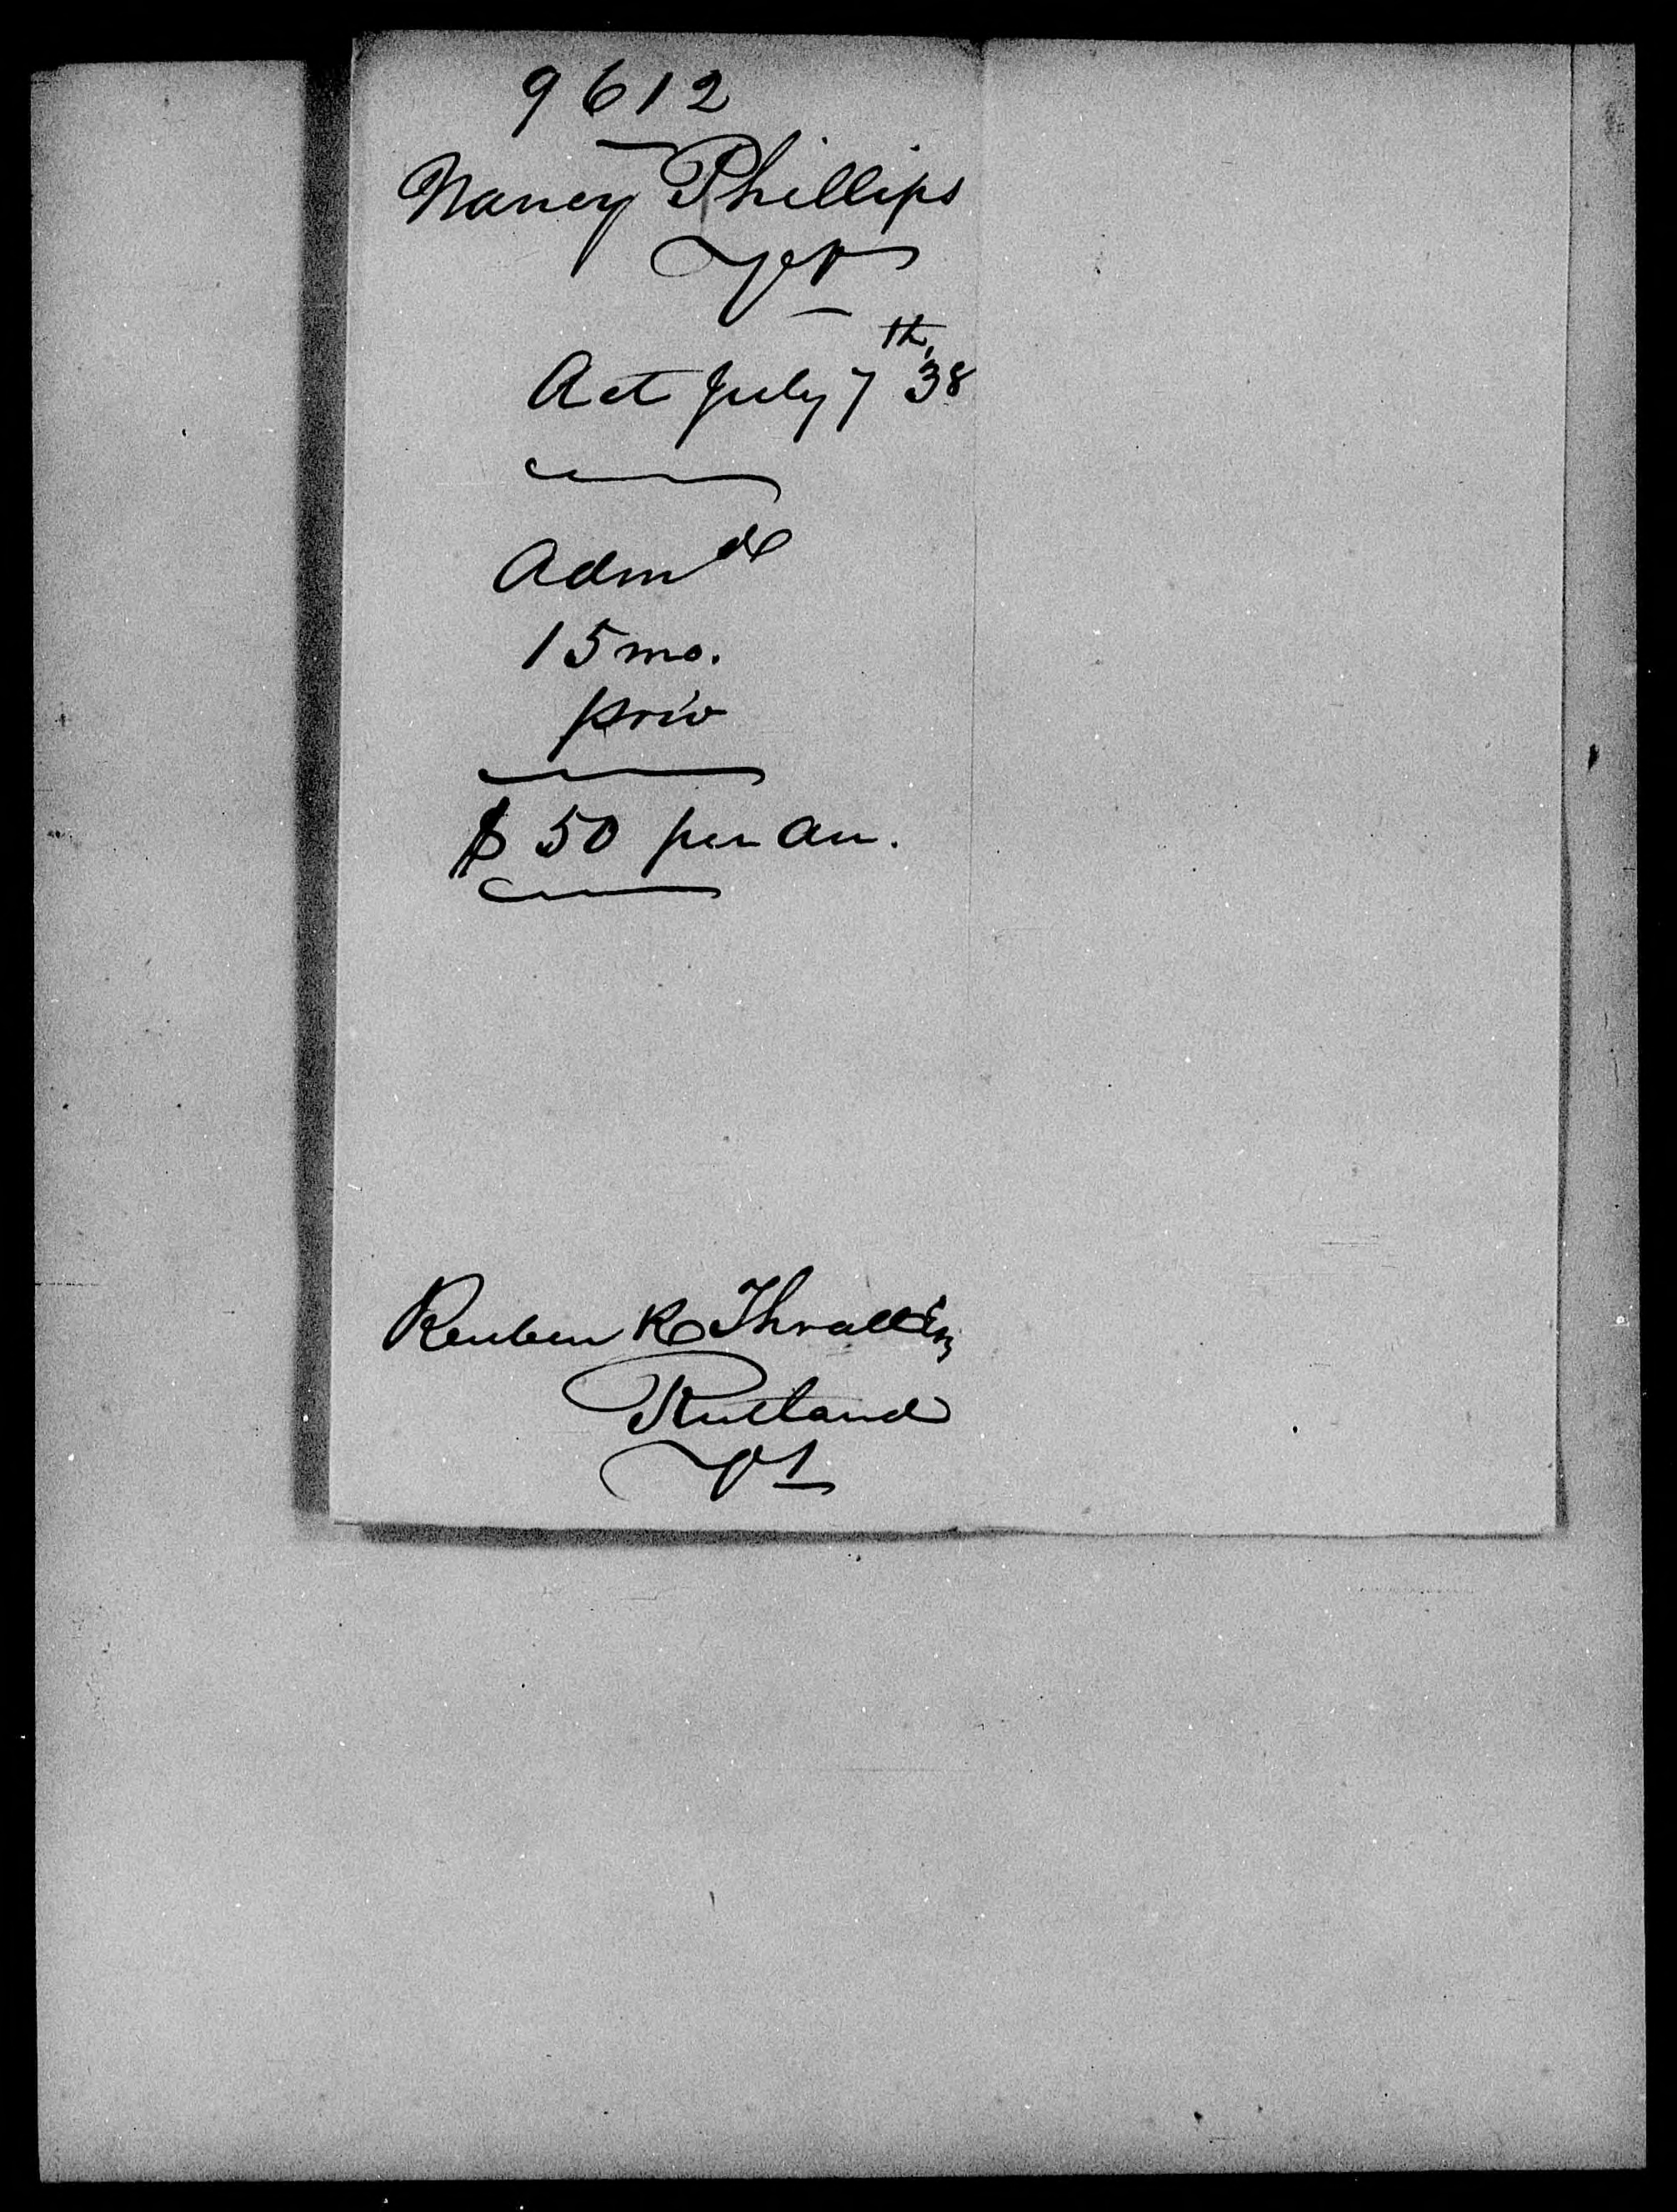9612
Nancy Phillips
Vt
Act July 7th 38
Adm
15 mo
Priv
_________
$50 per an
____________



Rueben R thrall esq
Rutland
Vt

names: Nancy Phillips; Reuben R Thrall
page: 43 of 66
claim: widow's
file: W. 18752, for Israel Phillips, Rhode Island